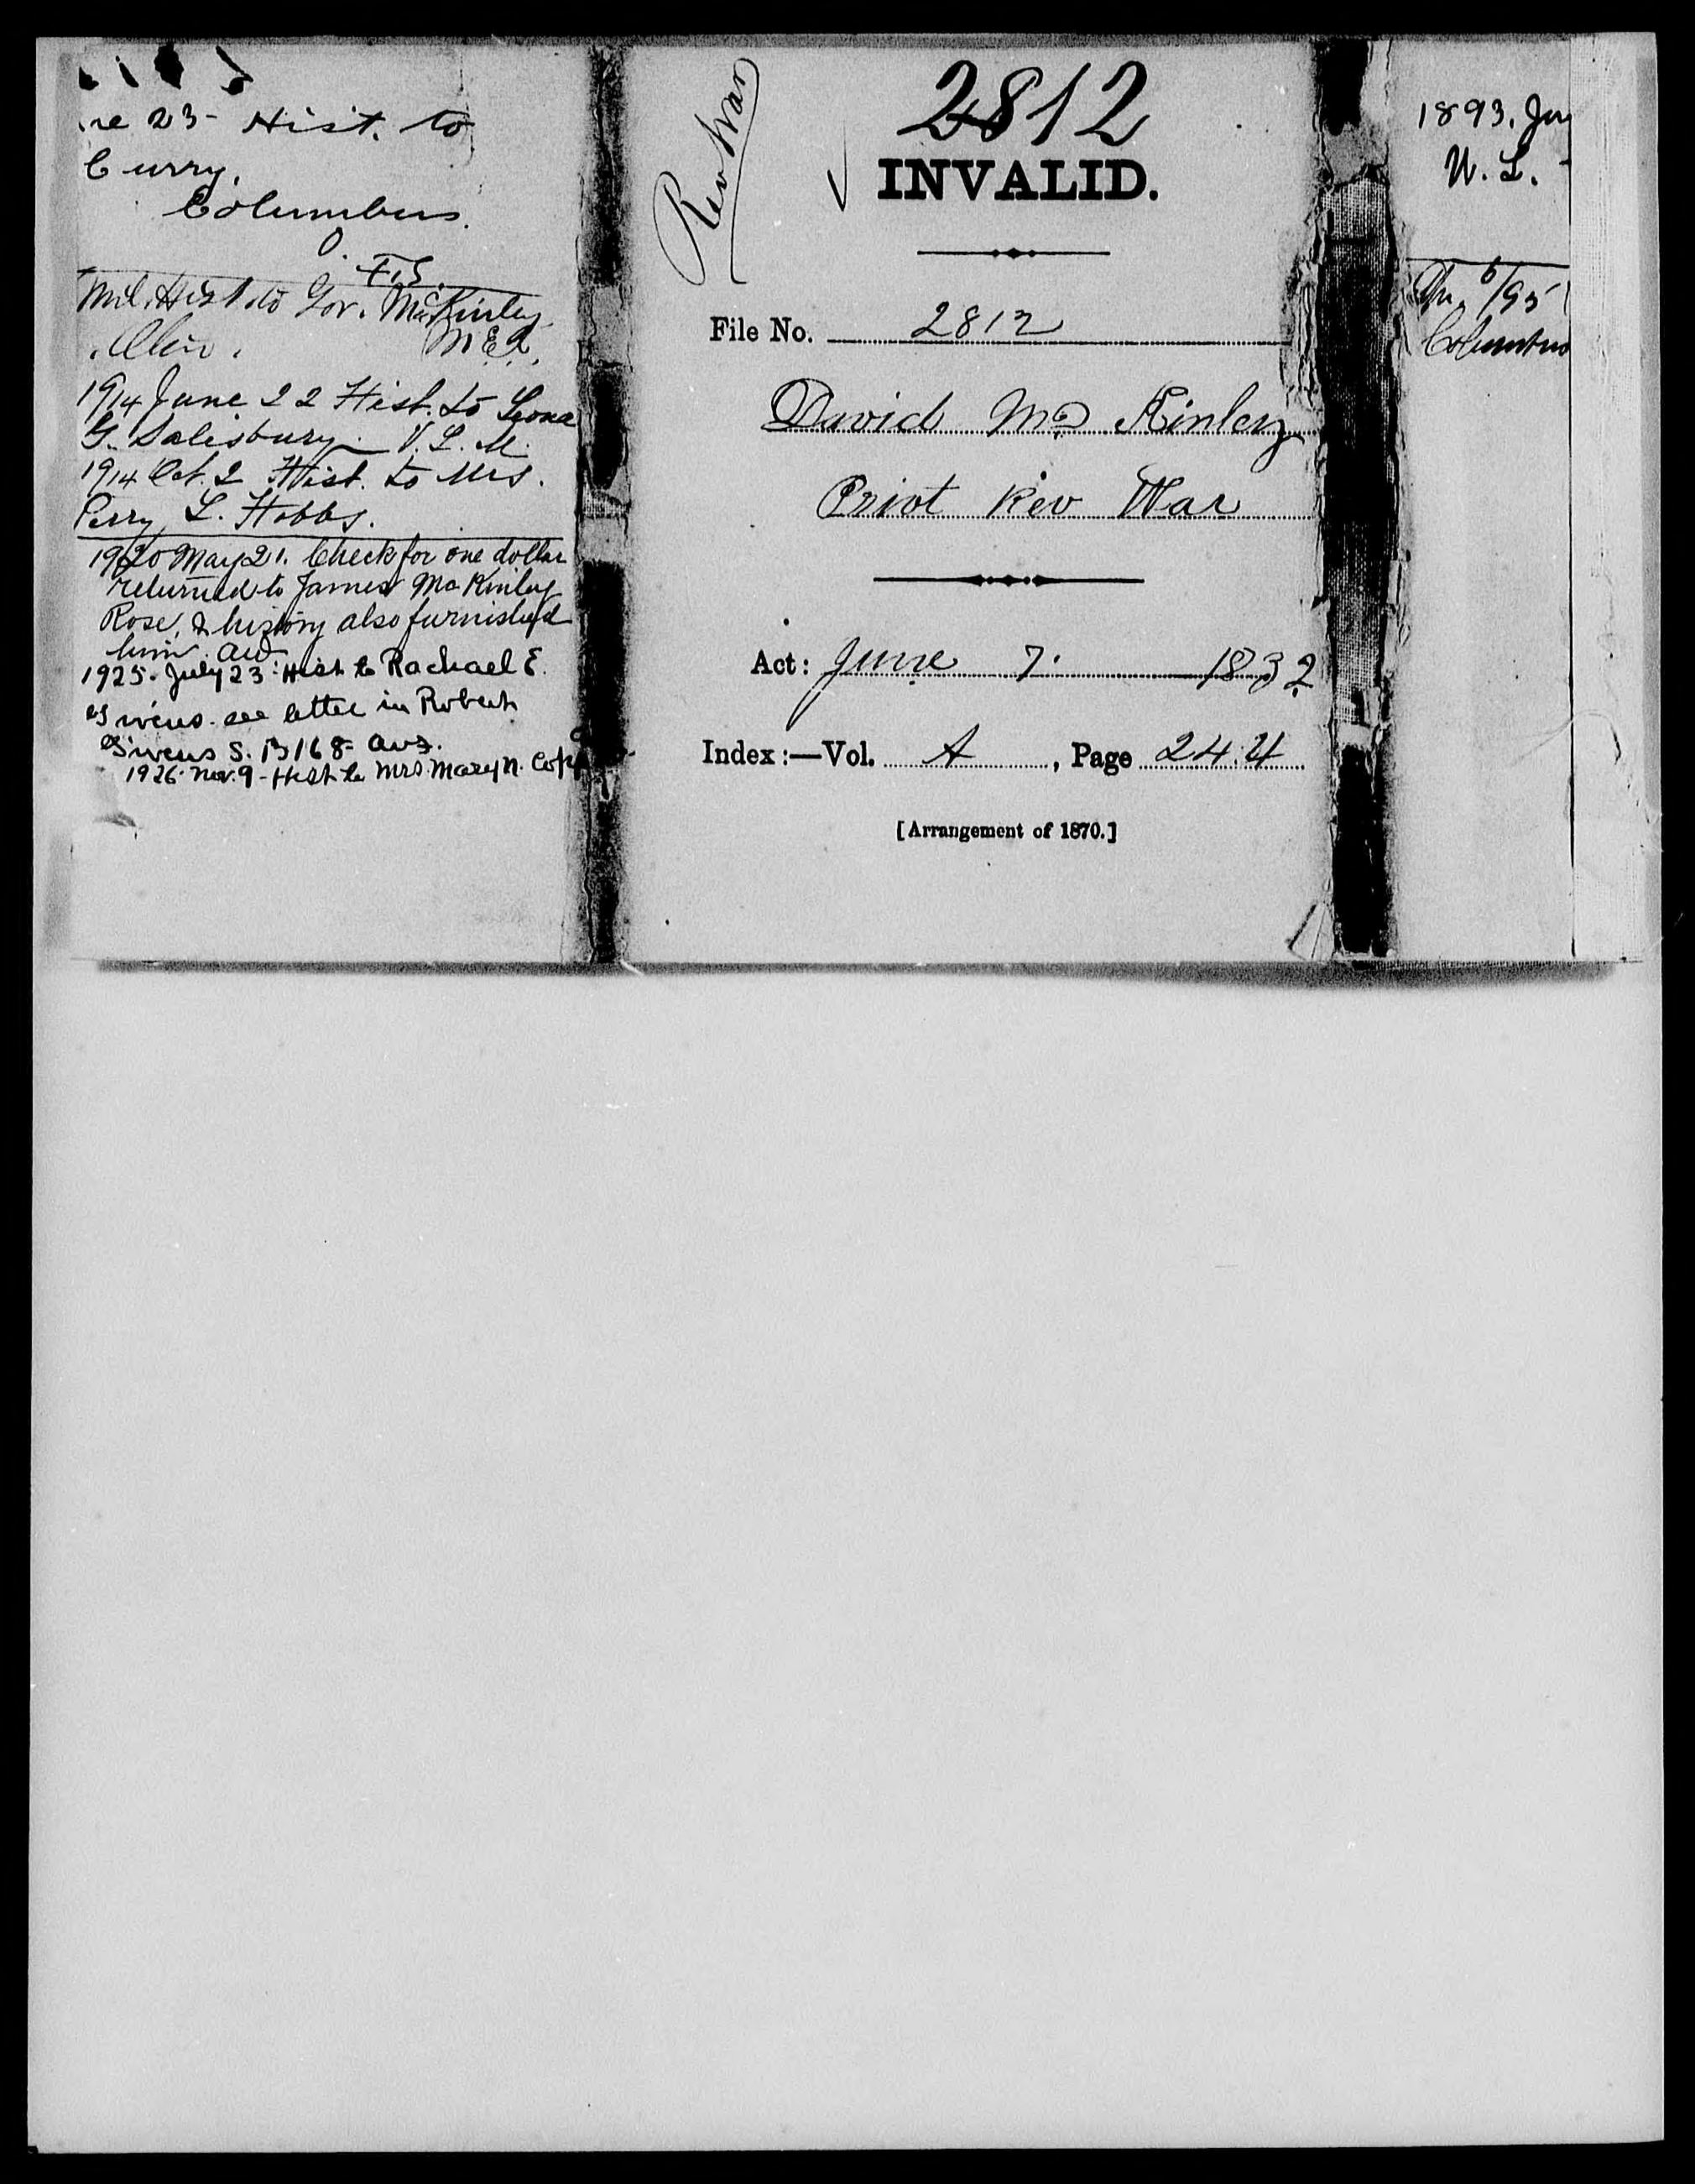[left page and right page belong together]
1893 June 23 - Hist to
W. L. Curry
Columbus,
O.
F.S.

[horizontal line]
Apr. 6/95 Mil Hist to Gov. McKinley,
Columbus, Ohio.  M.E.I.
1914 June 22 Hist to Leona
G. Salisbury V.L.M.
1914 Oct. 2. Hist. to Mrs.
Perry L. Hobbs

[horizontal line]
1912 May 21. Check for one dollar
returned to James McKinley
Rose, & history also furnished
him. AWD
1925. July 23 - Hist to Rachel E
Givens. see letter in Robert
Givens S. 13168 AWS
1926 Nov. 9 - Hist to Mrs Mary N Cotton

[middle page]
[marginal note] Rev War
2812
INVALID

File No. 2812
David Mc Kinley
Privt Rev War

Act: June 7. 1832
Index: -- Vol. A, Page 244
Arrangement of 1870.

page: 14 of 39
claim: survivor's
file: S. 2812, for David Mc Kinley, Pennsylvania